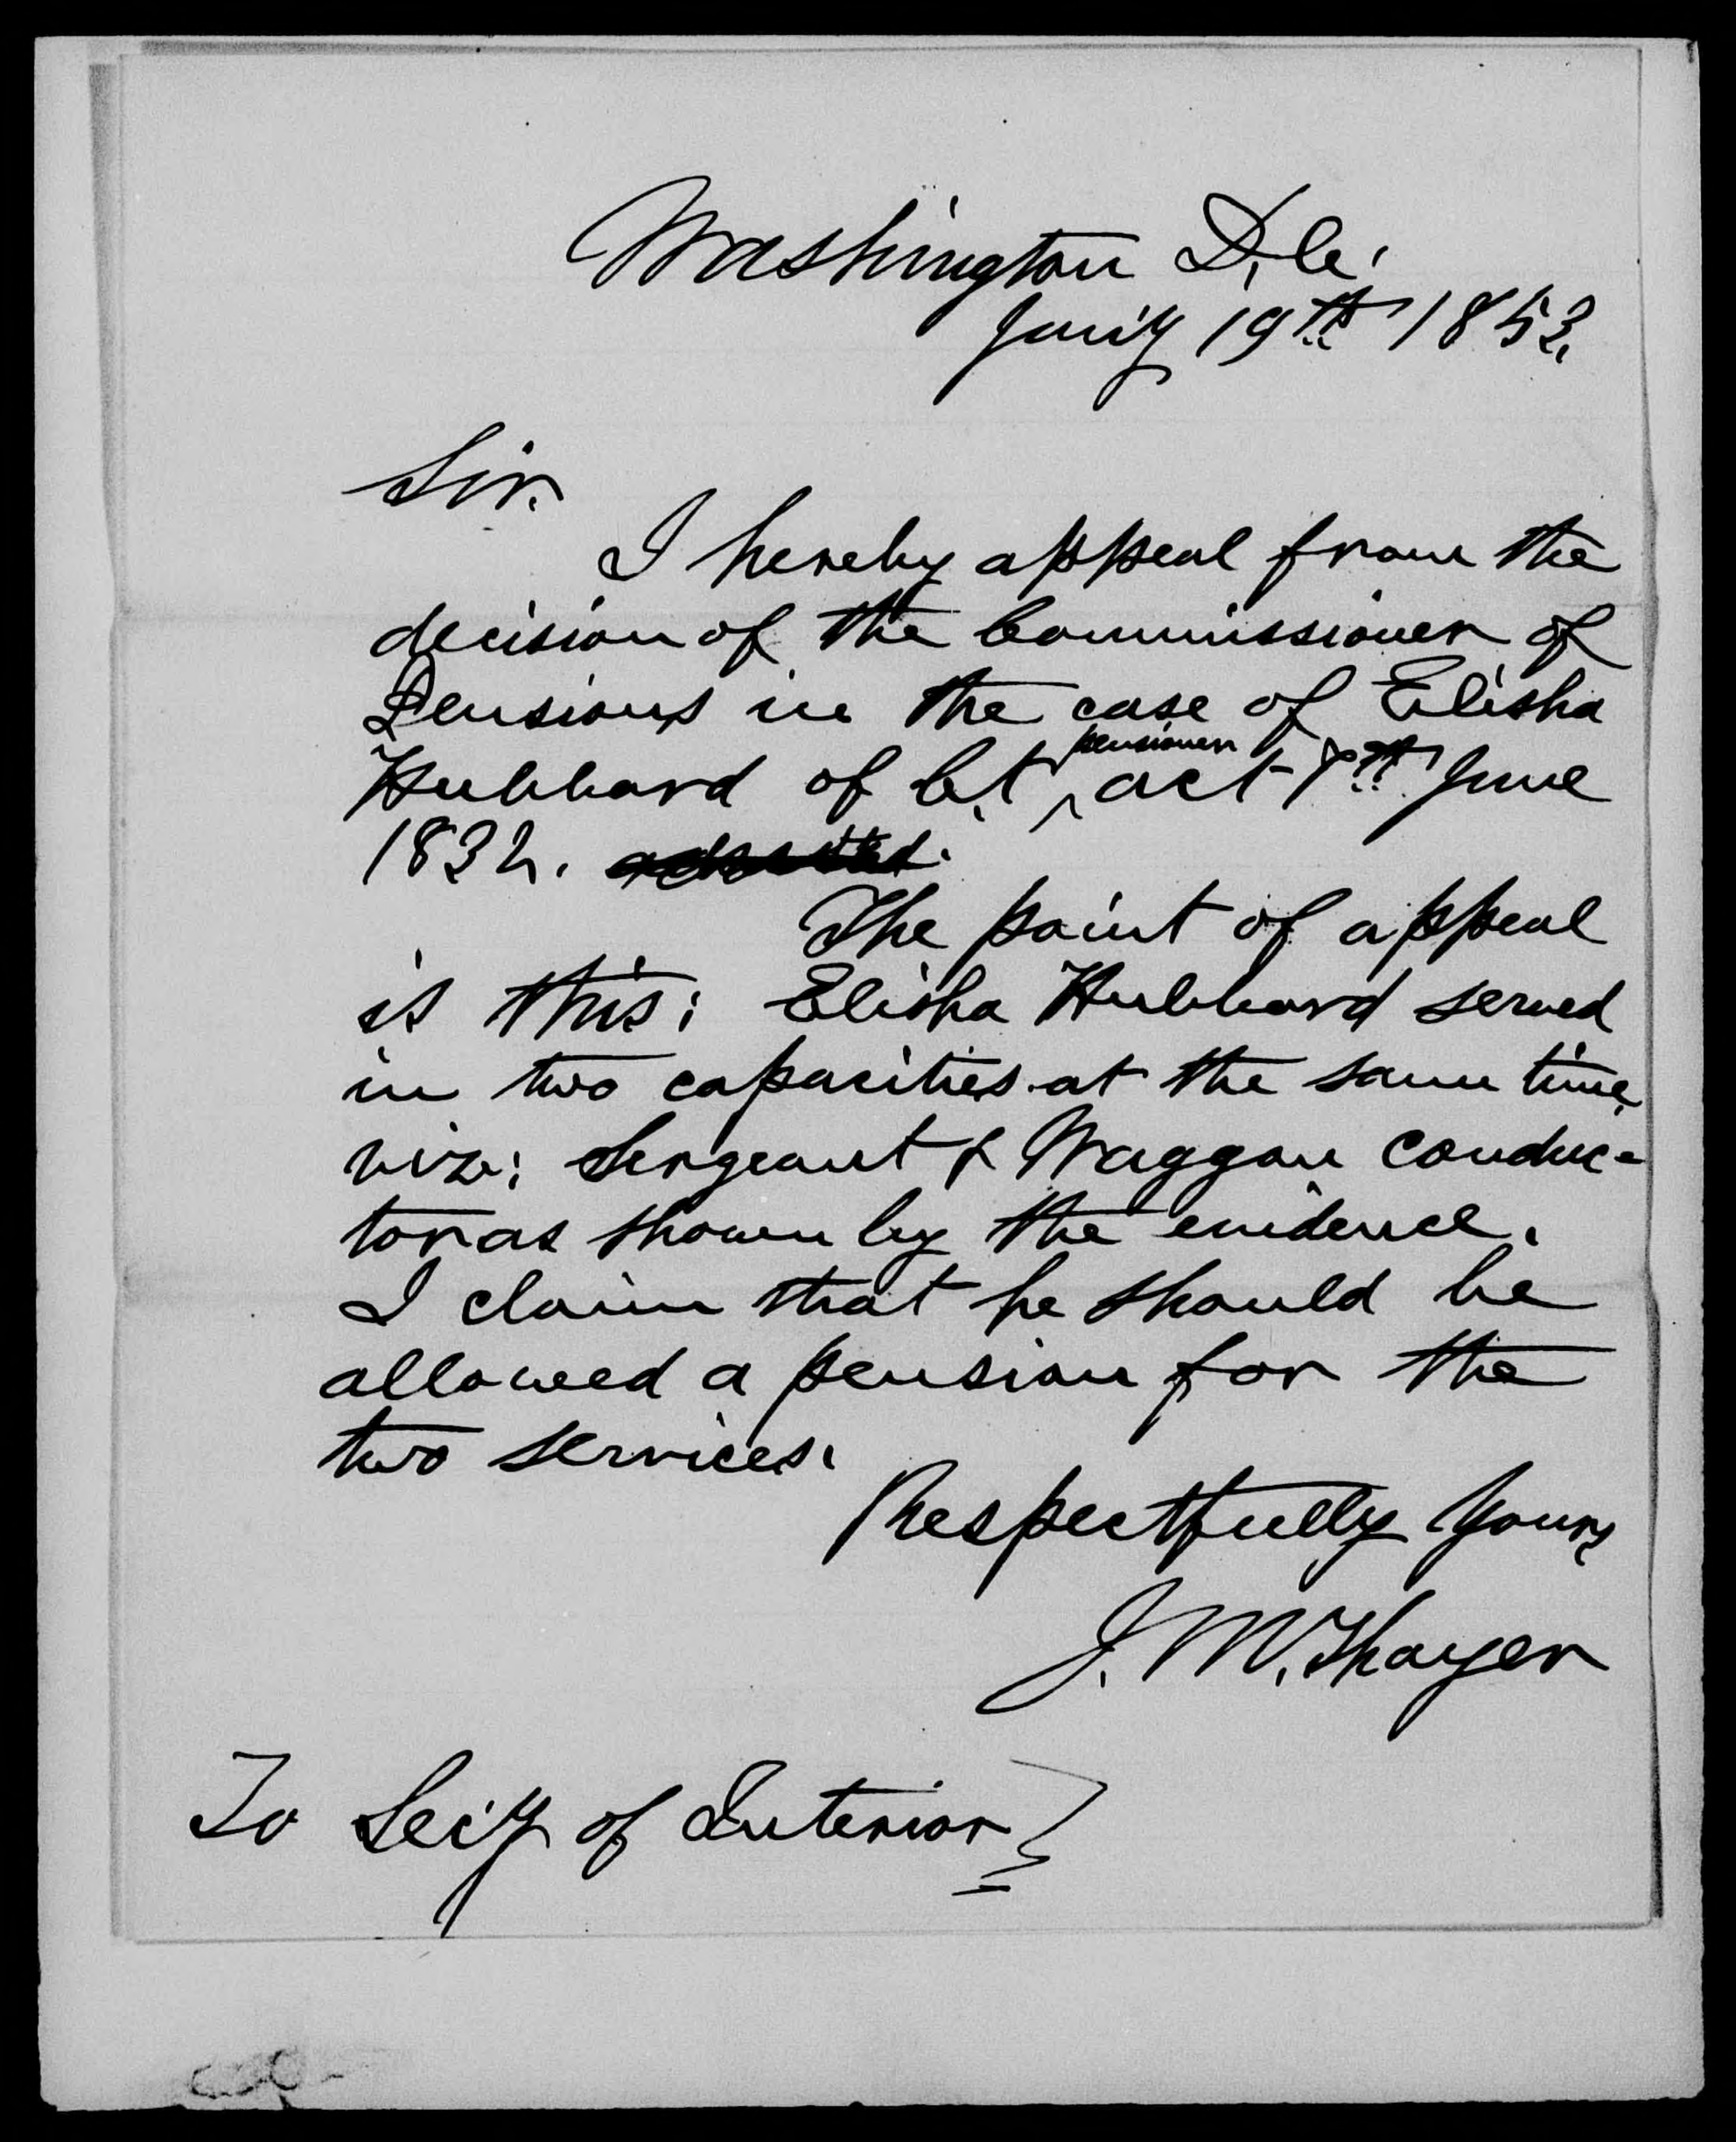Washington D. C.
Jan'y 19th 1853

Sir:
I hereby appeal from the decision of the Commissioner of pensions in the case of Elisha Hubbard of C't pensioner act 7th June1832.

The point of appeal is this:  Elisha Hubbbard served in two capacities at the same time viz:  Sergeant of Waggon conductoras shown by the evidence.  I claim that he should be allowed a pension for the two services.

Respecfully Yours
J.M. Thayer




To Sec'y of Interior}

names: Elisha Hubbard, J M Thayer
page: 41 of 63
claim: survivor's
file: S. 18457, Elisha Hubbard, Conn. Continental